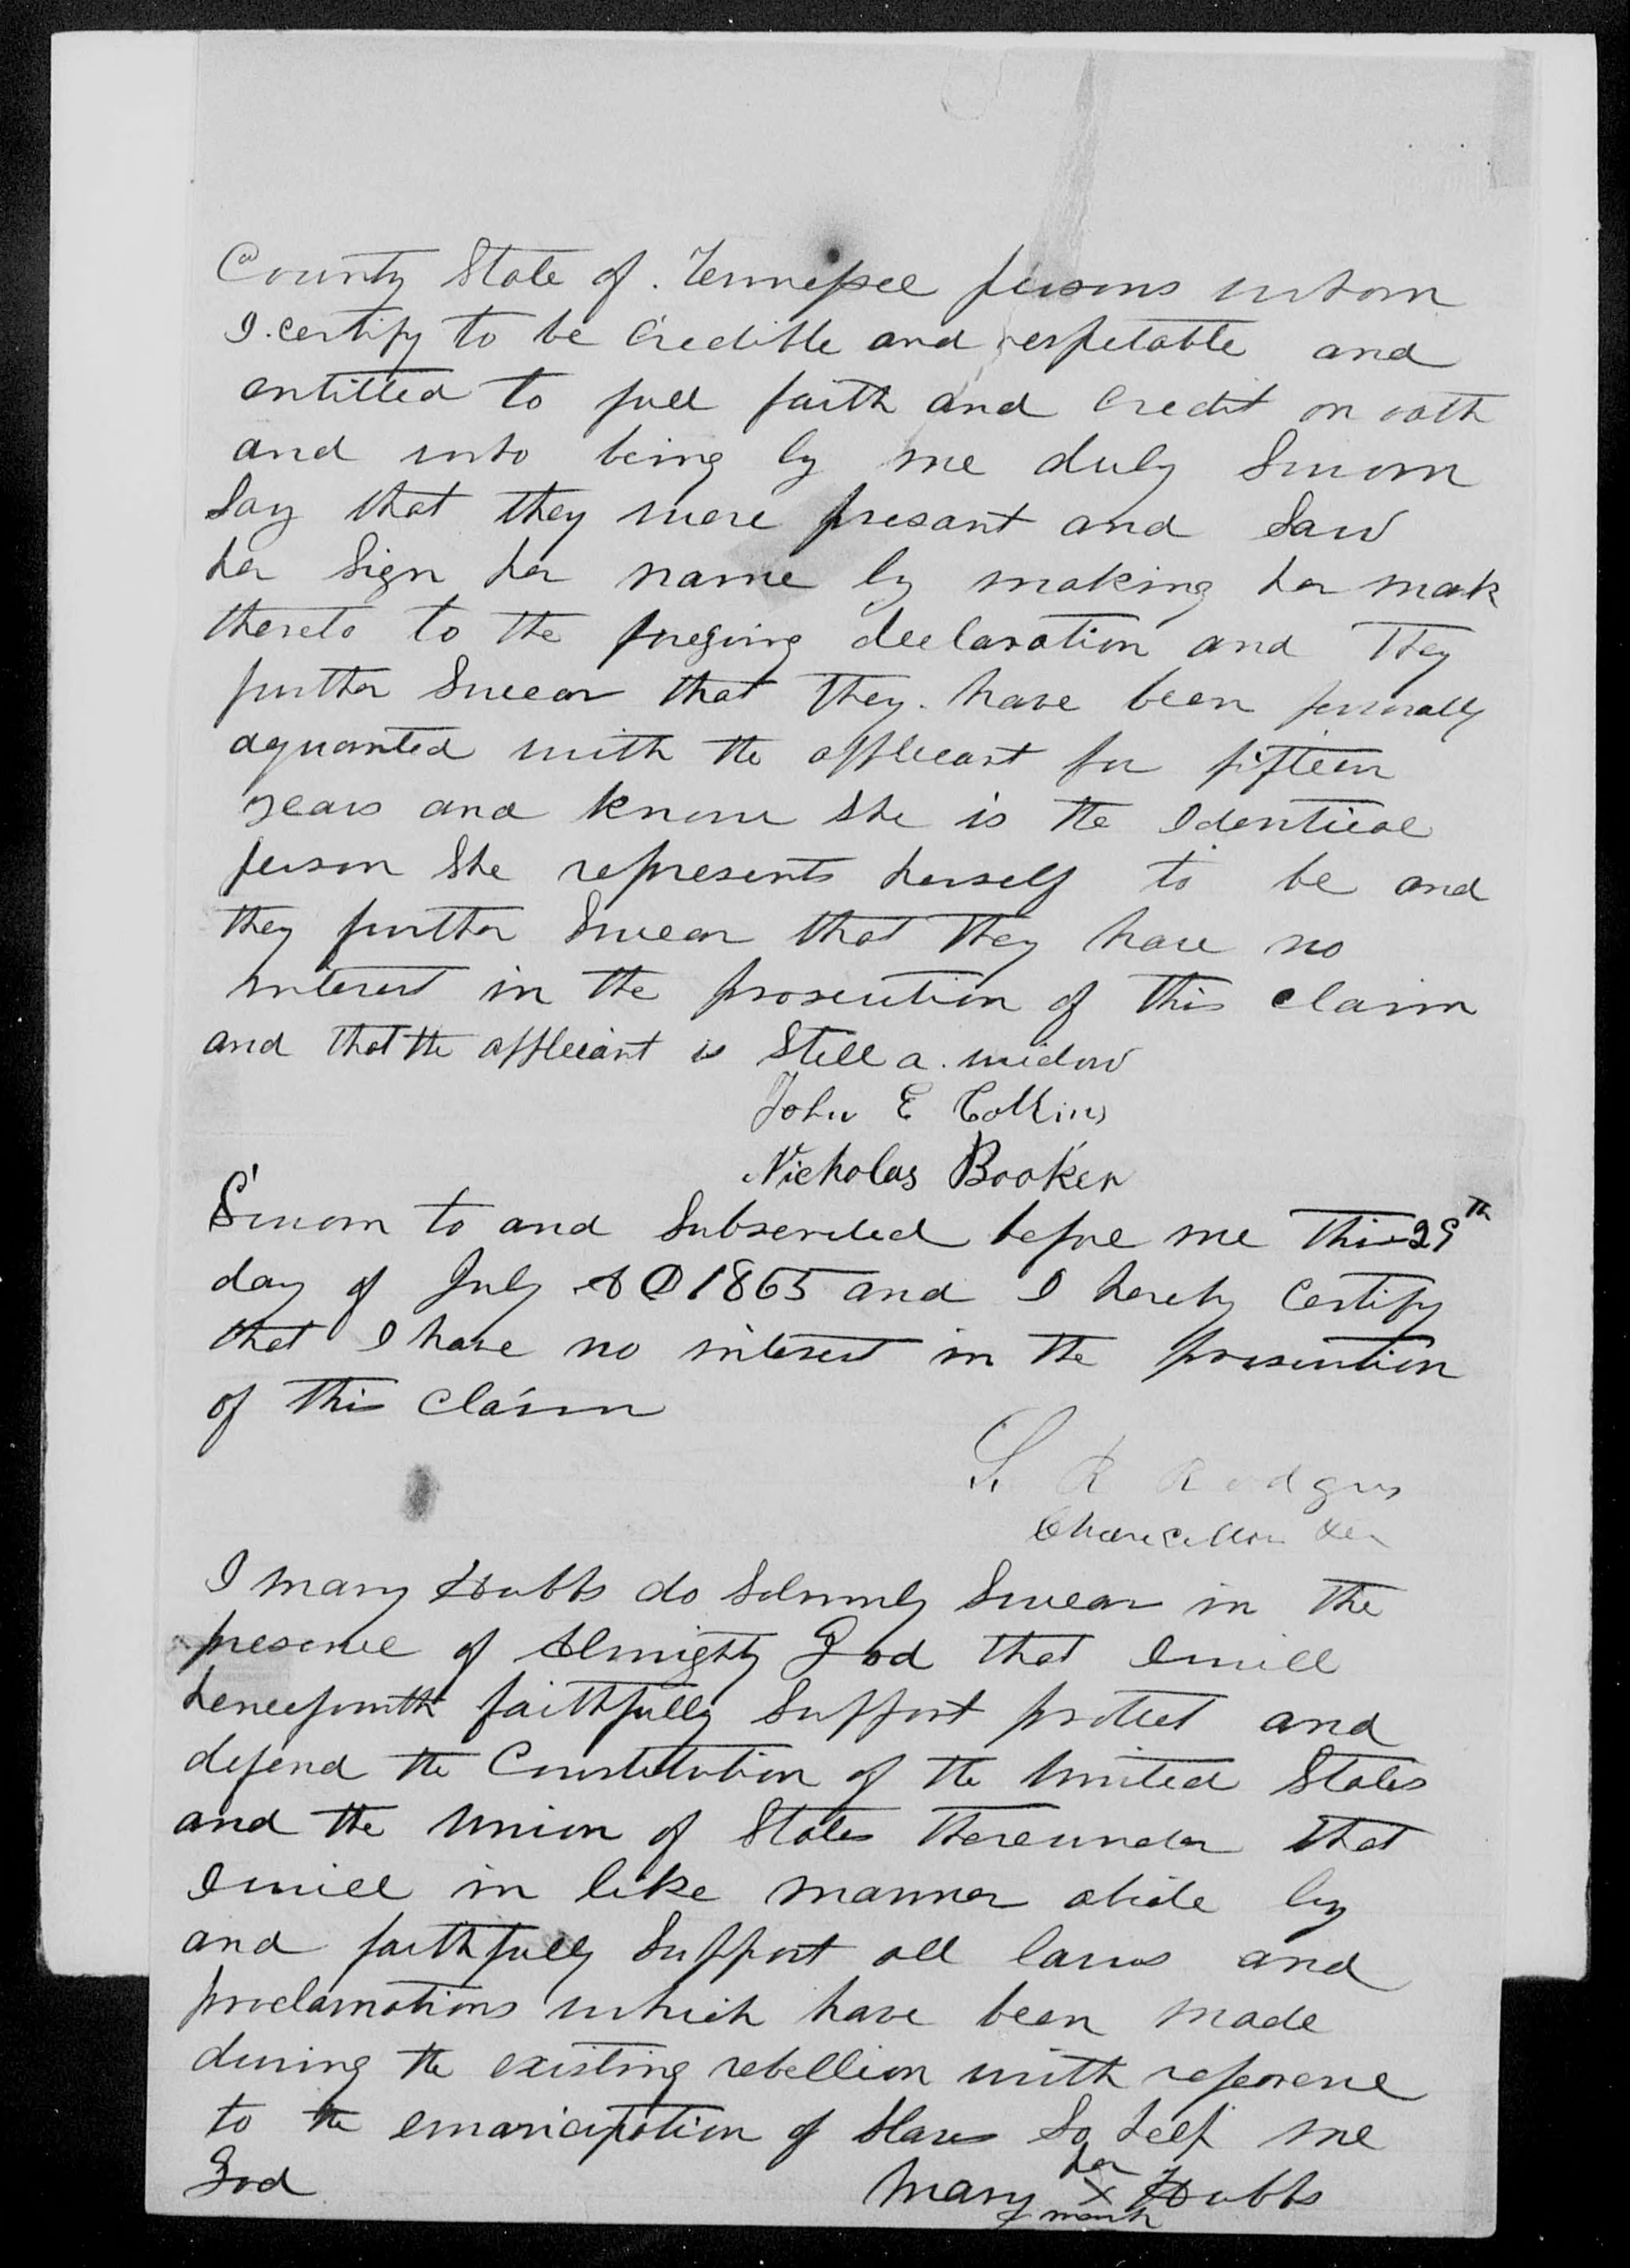County State of Tennessee persons whom
I certify to be credible and respetable and
entitled to full faith and credit on oath
and into being by me duly sworn say that they were present and saw her sign her name by making her mark thereto to the foregoing declaration and they further swear that they have been personally aquainted with the applicant for fifteen years and know she is the Identical
person she represents herself to be and they further swear that they have no interest in the prosecution of this claim and that the applicant is still a widow
John E Collins
Nicholas Booker

Sworn to and subscribed before me this 29th
day of July A.D. 1865 and I hereby certify that I have no interest in the prosecution of this claim
S.R. Rodgers
Chancellor 

I Mary Hubbs do solemnly Swear in the presence of Almighty God that I will henceforth faithfully Support protect and
defend the Constitution of the United States
and the union of States thereunder that
I will in like manner abide by and faithfully support all laws and proclamations which have been made during the existing rebellion with reference to the emancipation of Slaves so help me God.
her mark - Mary Hubbs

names: Nicholas Booken, Mary Hubbs, John E Collins, J R Rodgers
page: 80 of 86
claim: widow's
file: W. 1035, John Hubbs, S.C.